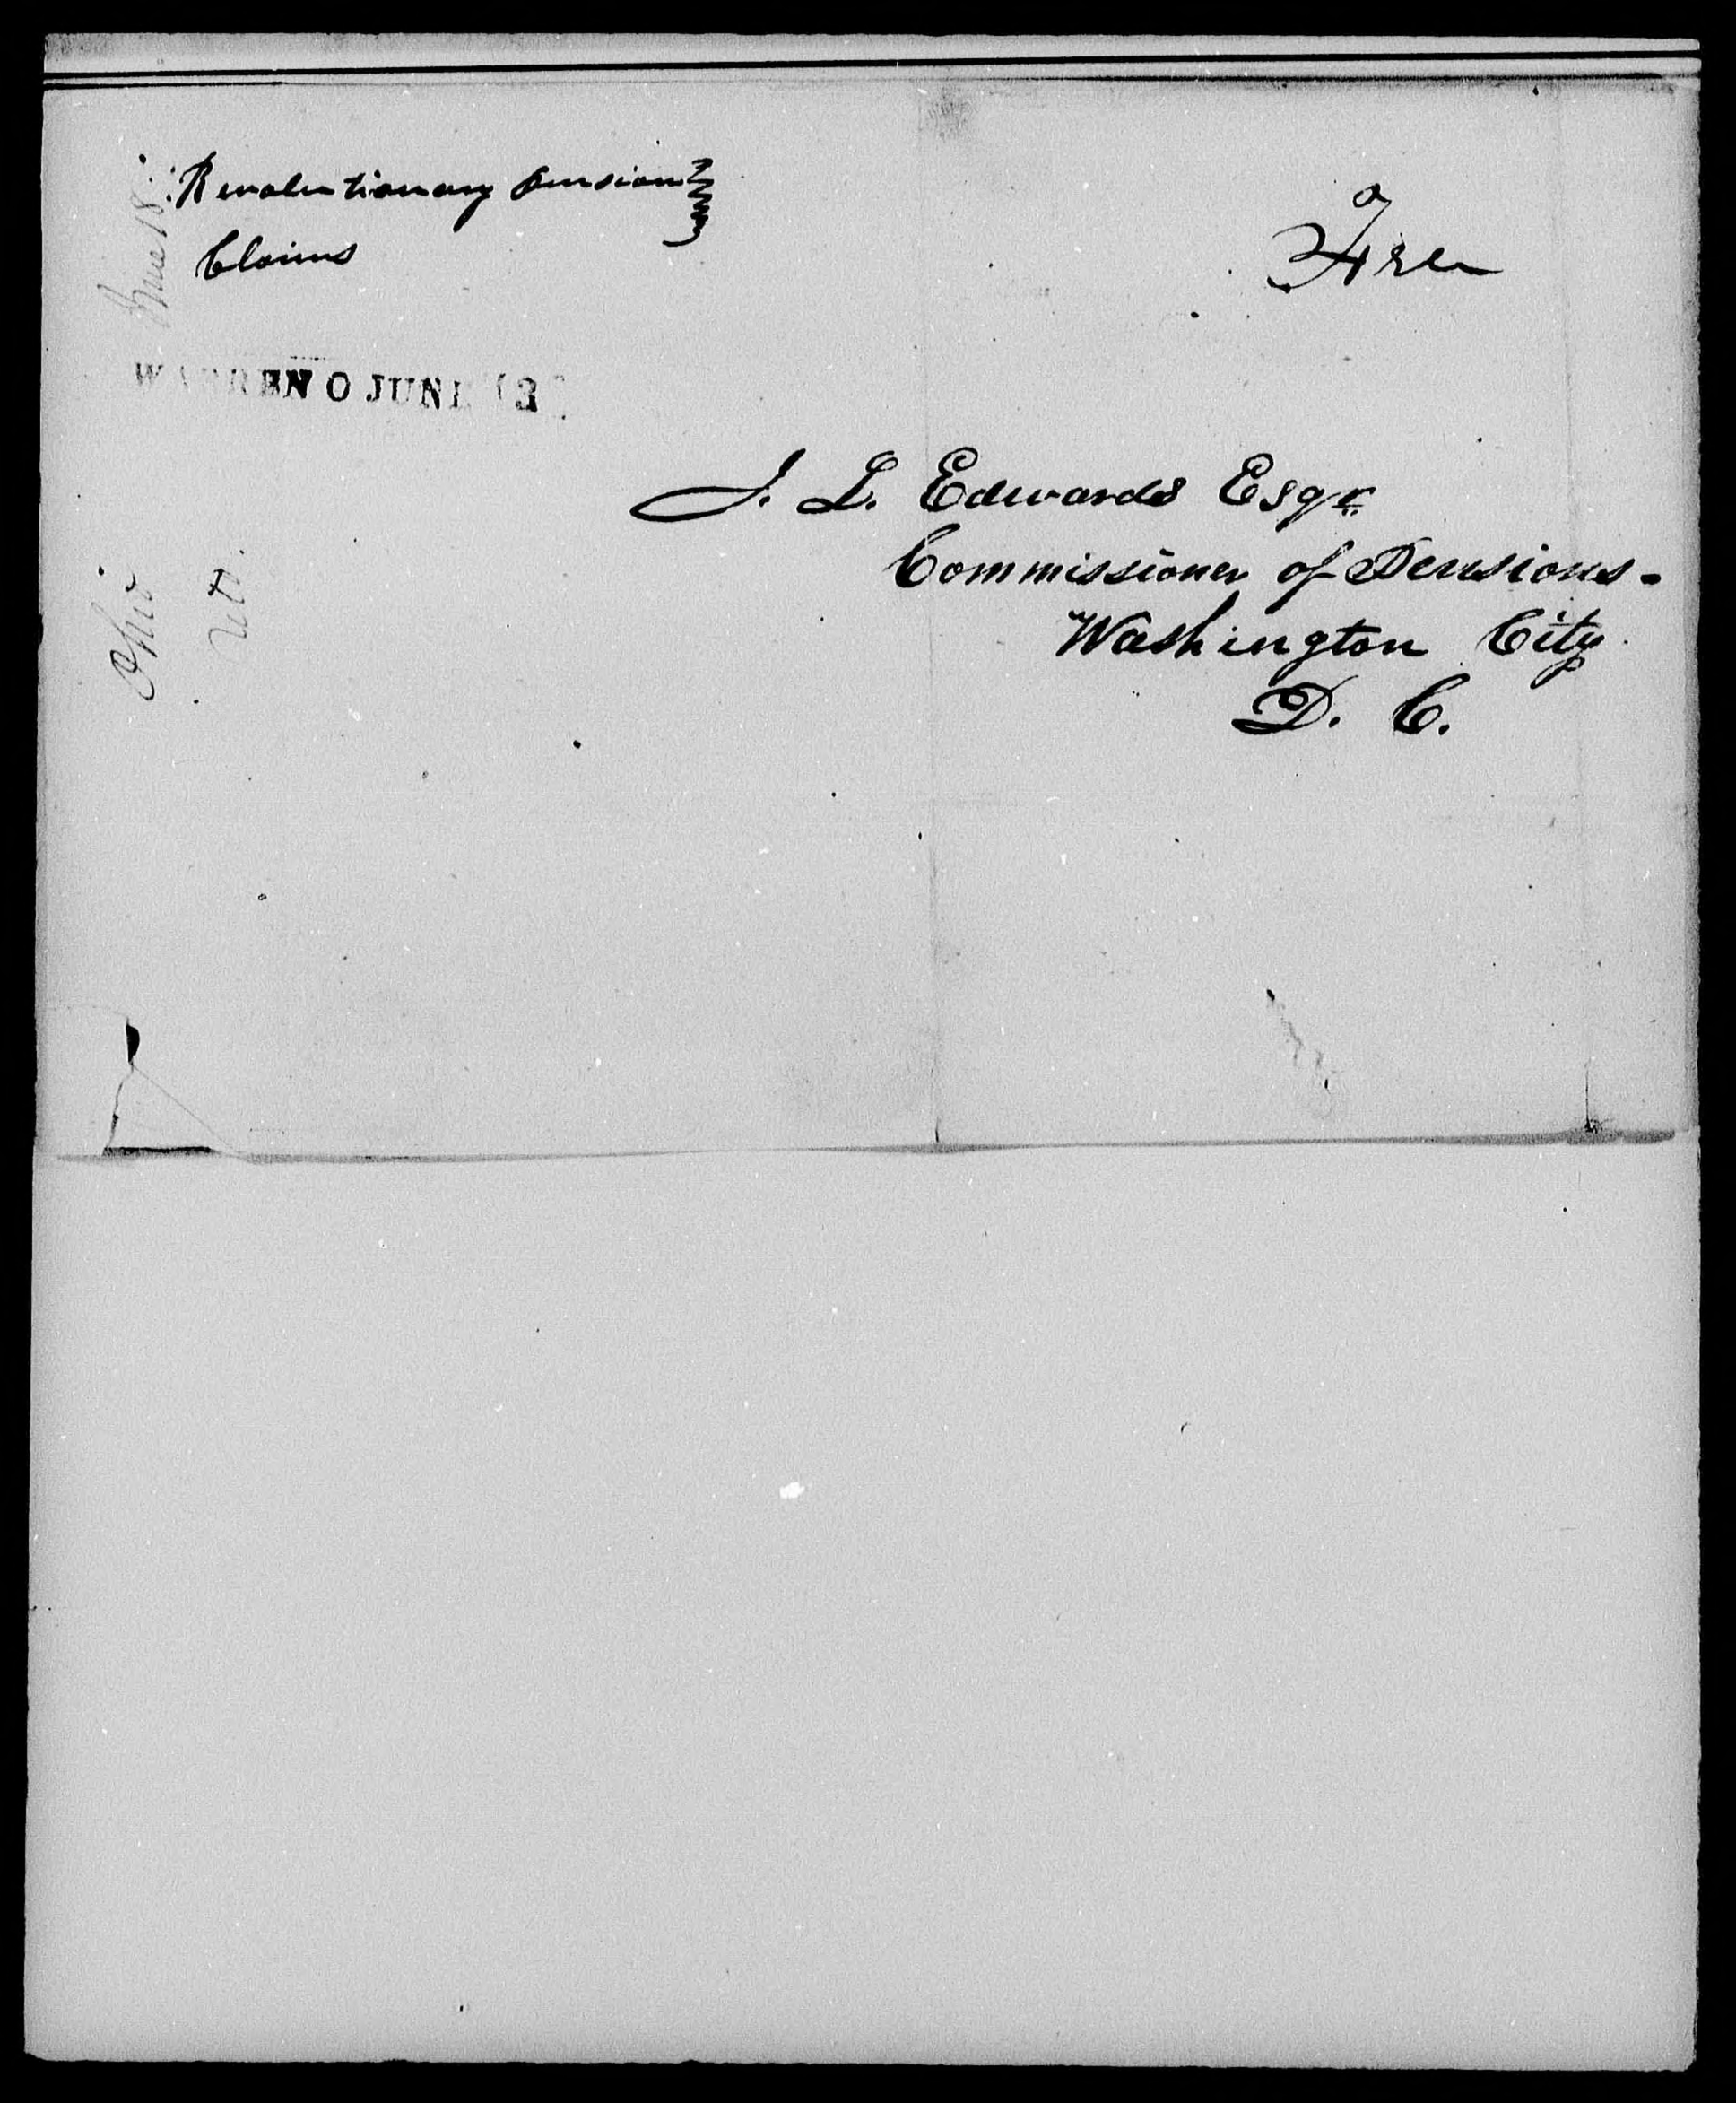[Handwritten except for 2nd line]
Revolutionary Pension Claims 
WARREN O JUNE 13 [Stamped]
Ohio June 18 [illegible]
J. L. Edwards Esq.
Commissioner of Pensions
Washington City D.C.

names: J L Edwards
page: 16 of 24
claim: survivor's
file: S. 15,415, William Dunlap, Penn.